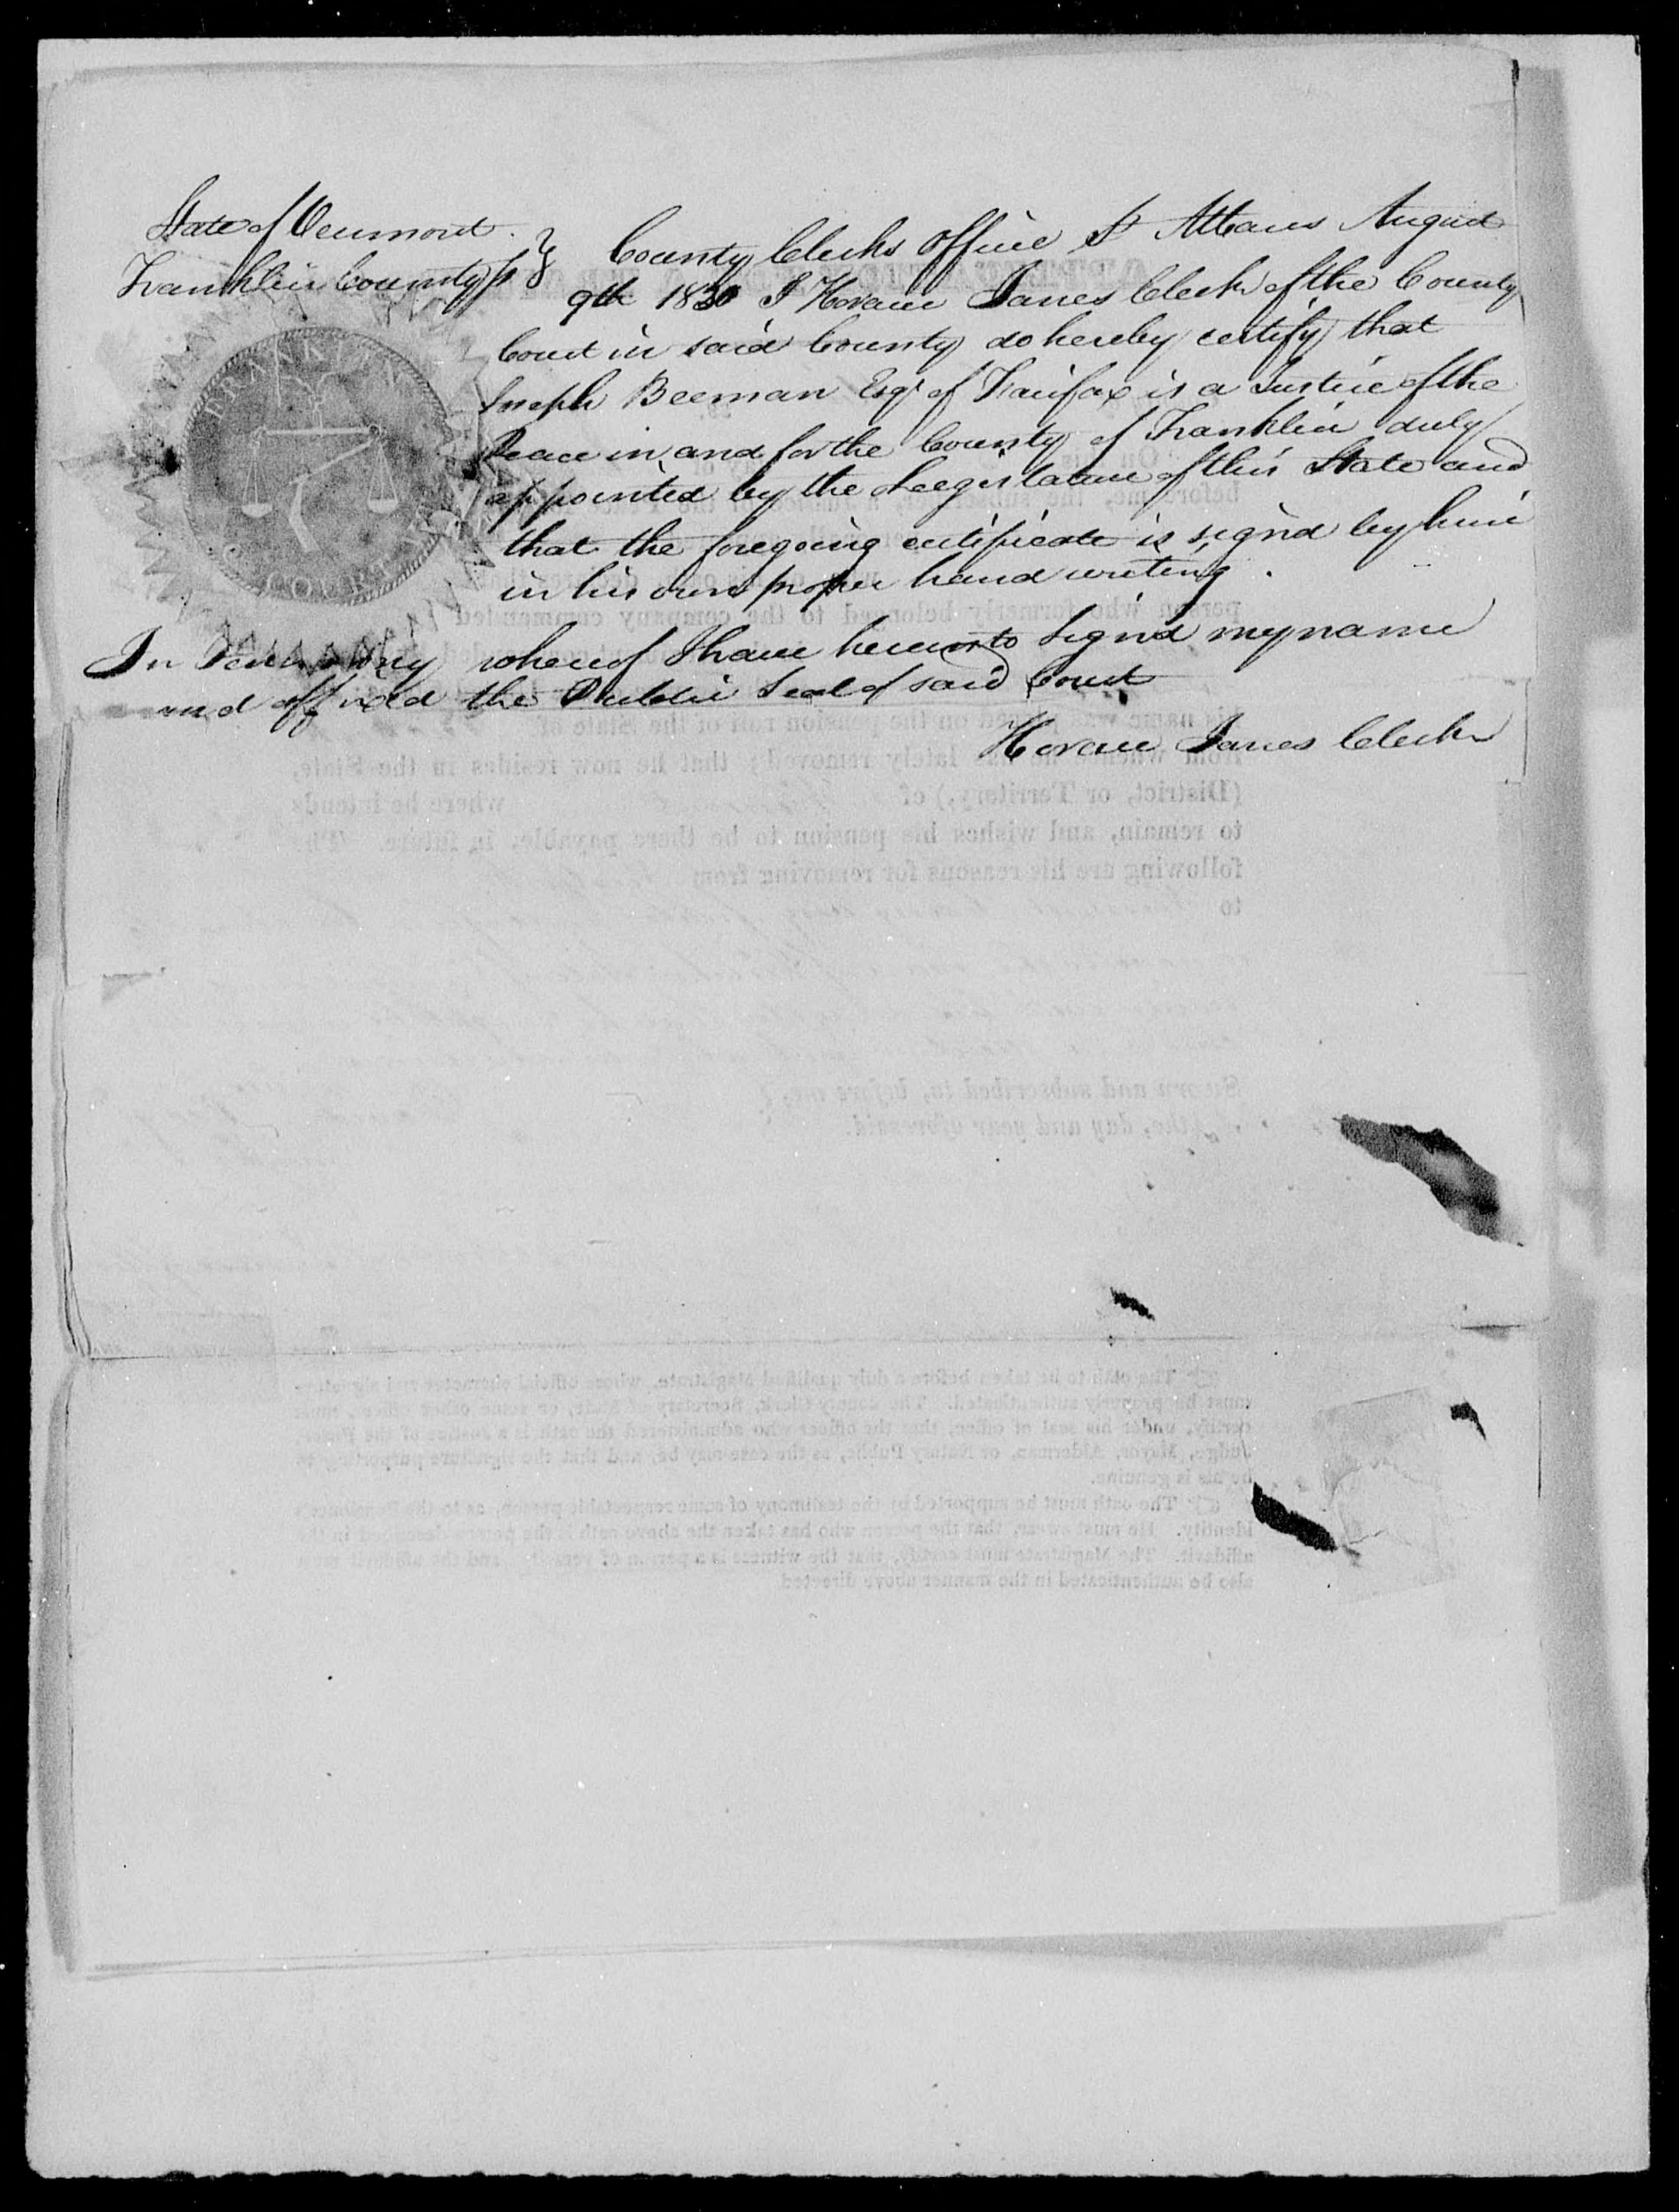State of Vemont 
Franklin County ss} 
County Clerk's Office, St. Albans August
9th 1820  I Horace James Clerk of the County Court in said County do hereby certify that Joseph Beeman Esq. of Fairfax is a Justice of the Peace in and for the County of Franklin duly appointed by the Legislature of this State and that the foregoing certificate is signed by him and in his own proper hand writing 

In testimony whereof I have hereunto Signed my name and affixed the Public Seal of said Court 

(signed) Horace James Clerk 

(seal affixed)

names: Horace Janes, Horace Janes, Joseph Beeman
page: 3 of 18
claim: survivor's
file: S. 39568, David George, N.H.